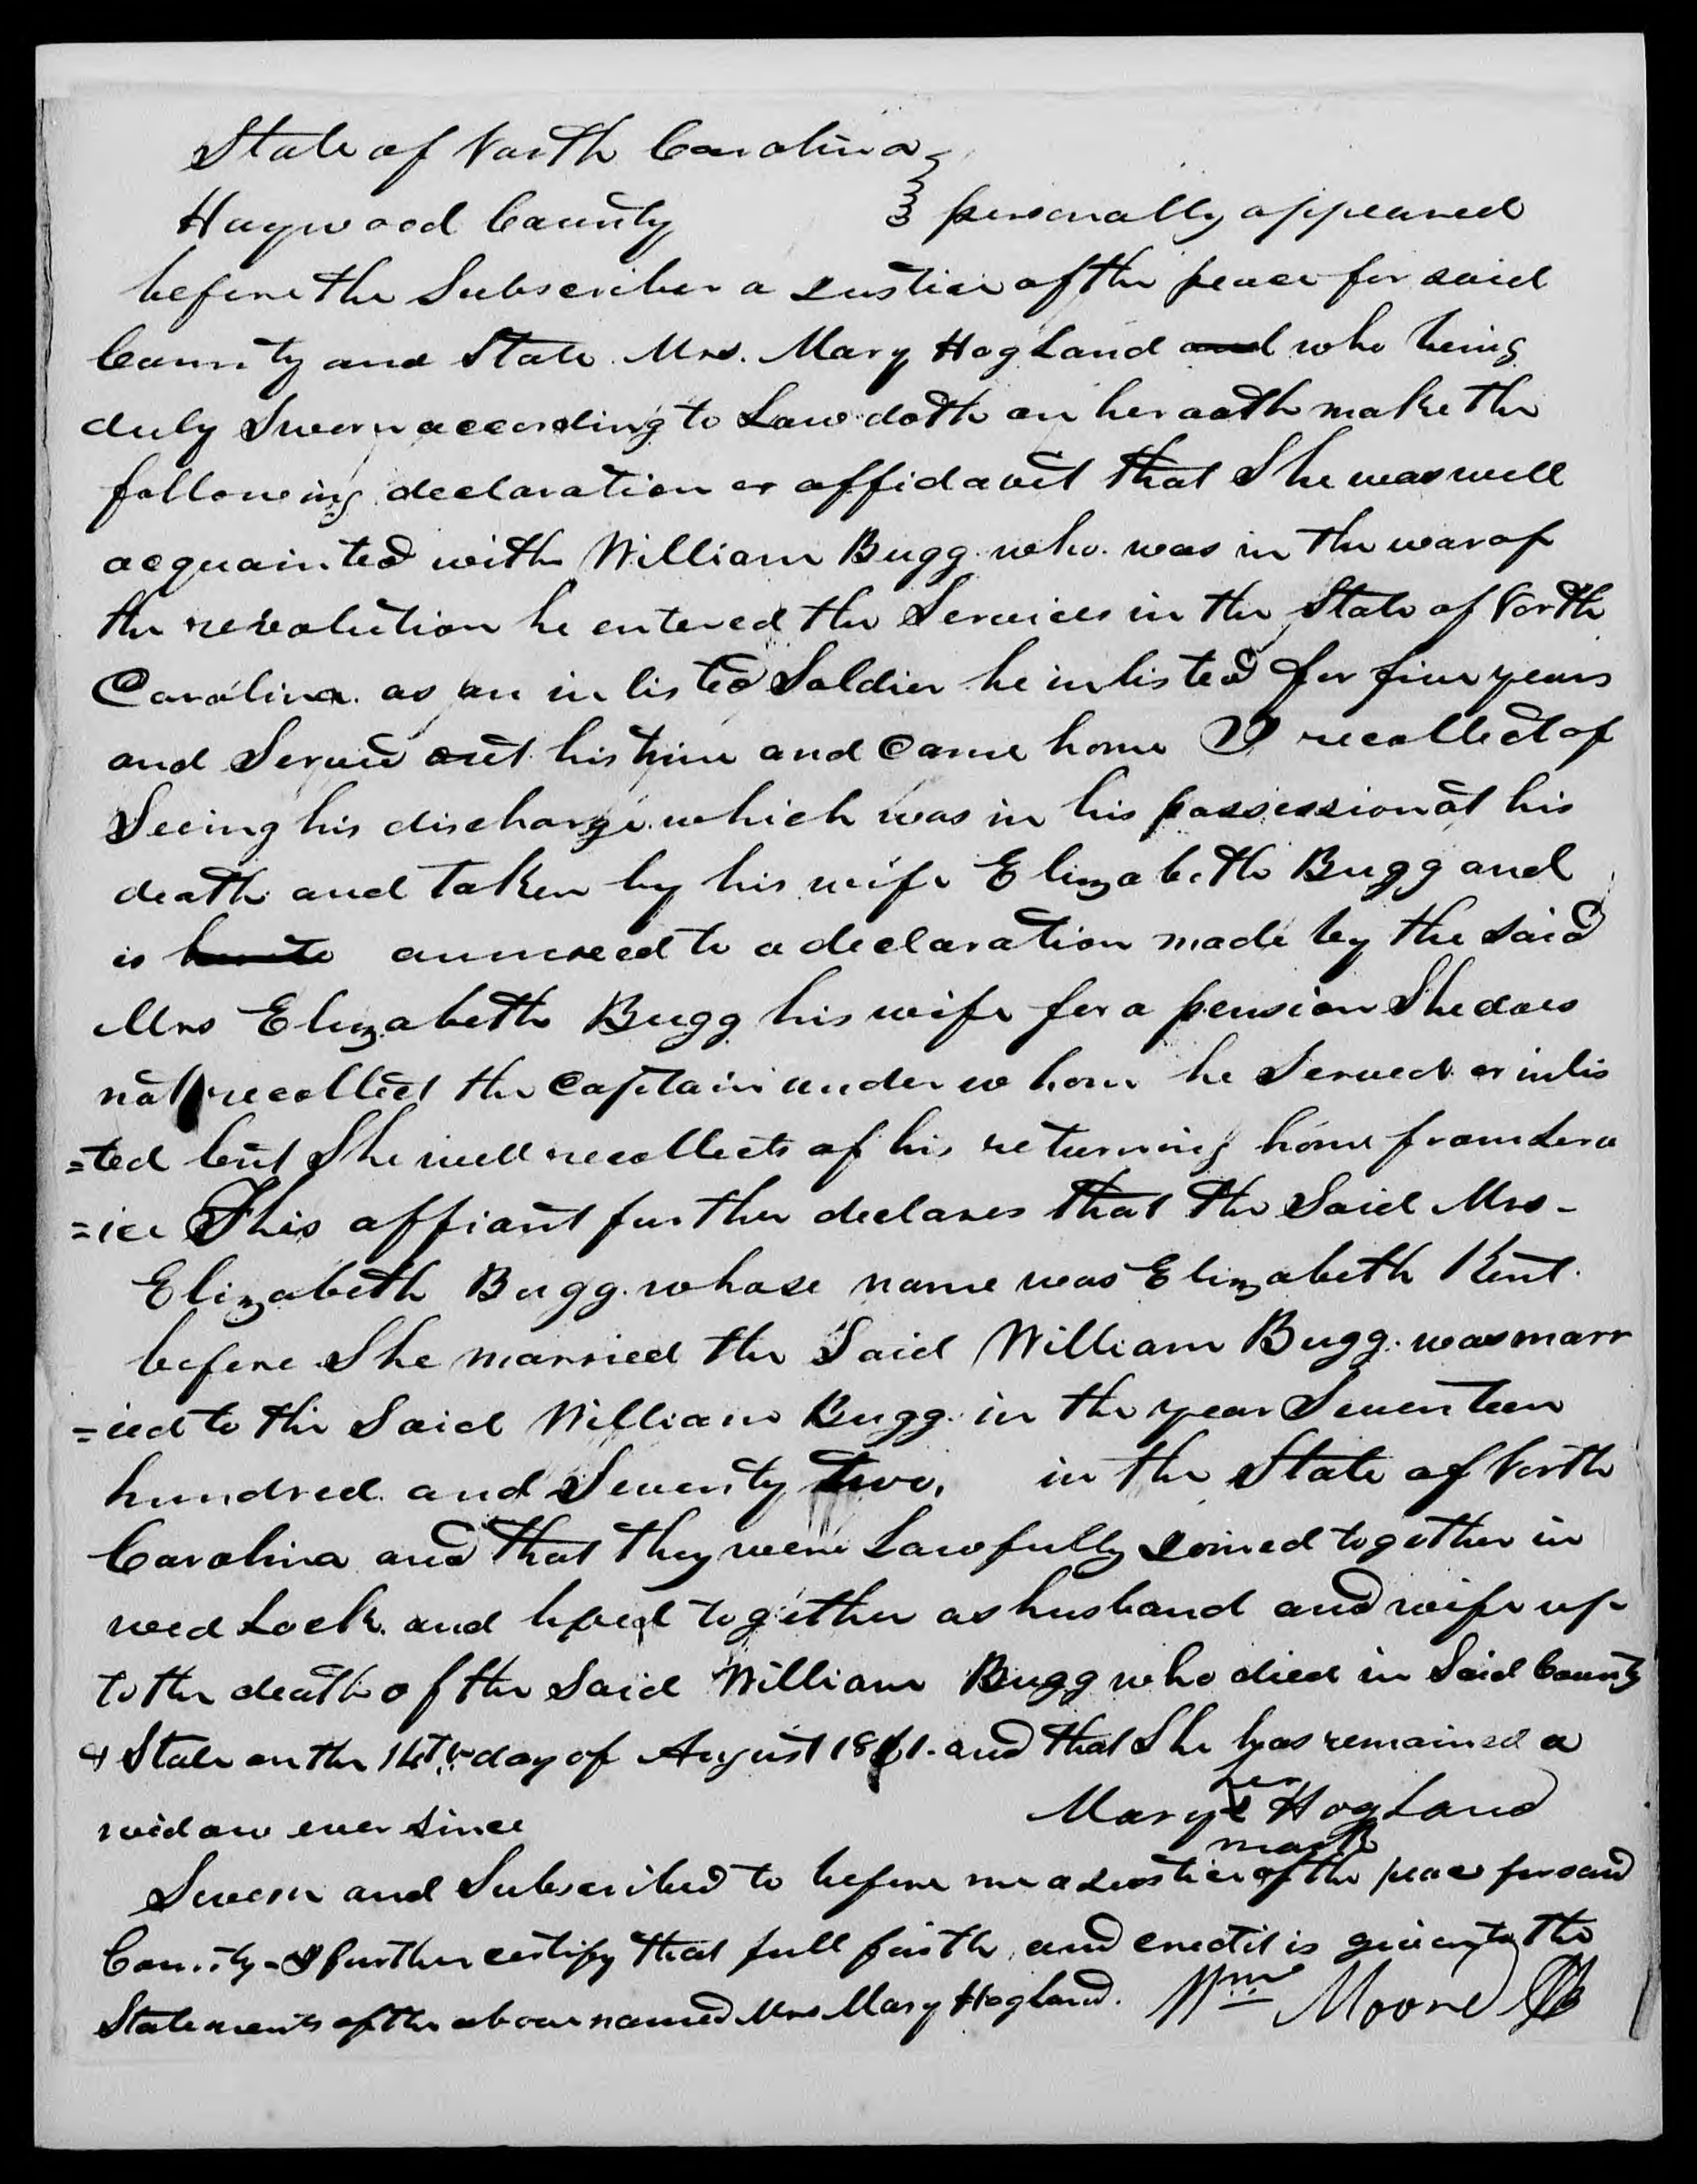State of North Carolina}
Haywood County}  personally appeared befere the Subscriber a Justice of the pease fer said County and State. Mrs. Mary HogLand [here the word "and" was crossed out] who being duly Swern according to Law doth on her oath make the following declaration er [or] affdiavit that She was well acquainted with William Bugg. who. was in the war of the revolution  he entered the Service in the State of North Carolina. as an inlisted Soldier.  he inlisted fer [for] five years and Served out his time and came home 

[Occasional spacing has been included to make the text easier to read.]

I recollect of Seeing his discharge. which was in his possession at his death and taken by his wife Elizabeth Bugg and is ["hereto" was crossed out] annexed to a declaration made by the Said Mrs Elizabeth Bugg his wife fer a pension  She does not recollect the Captain under whom he Served or inlisted but She well recollects of his returning home from Service 

This affiant further declares that the Said Mrs. Elizabeth Bugg whose name was Elizabeth Kent. before She married the Said William Bugg. was married to the Said William Bugg. in the year Seventeen hundred and [here there appears to have been some earlier erasure and ink streaks, but the following handwritten number appears clearly:] Seventy two, in the State of North Carolina and that they were Lawfully Joined together in wedLock and lived togither as husband and wife up to the death of the Said William Bugg who died in Said County & State on the 14th day of August [here it appears the date 1801 was changed to 1841 or 1811]  and that She has remained a widow ever Since  Mary [her x mark] HogLand

Swern and Subscribed to before me a Justice of the peac for said County. I further certify that full faith and credit is given to the Statements of the above named Mrs Mary Hogland.  Wm Moore [here there is what appears to be "JP" encircled, meaning Justice of the Peace.]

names: William Bugg, Elizabeth Bugg, Wm Moore, Elizabeth Kent, William Bugg, Mary Hogland, Elizabeth Bugg, William Bugg, Elizabeth Bugg, Mary Hogland, William Bugg, Mary Hogland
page: 19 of 50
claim: widow's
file: W. 898, William Bugg, N.C.